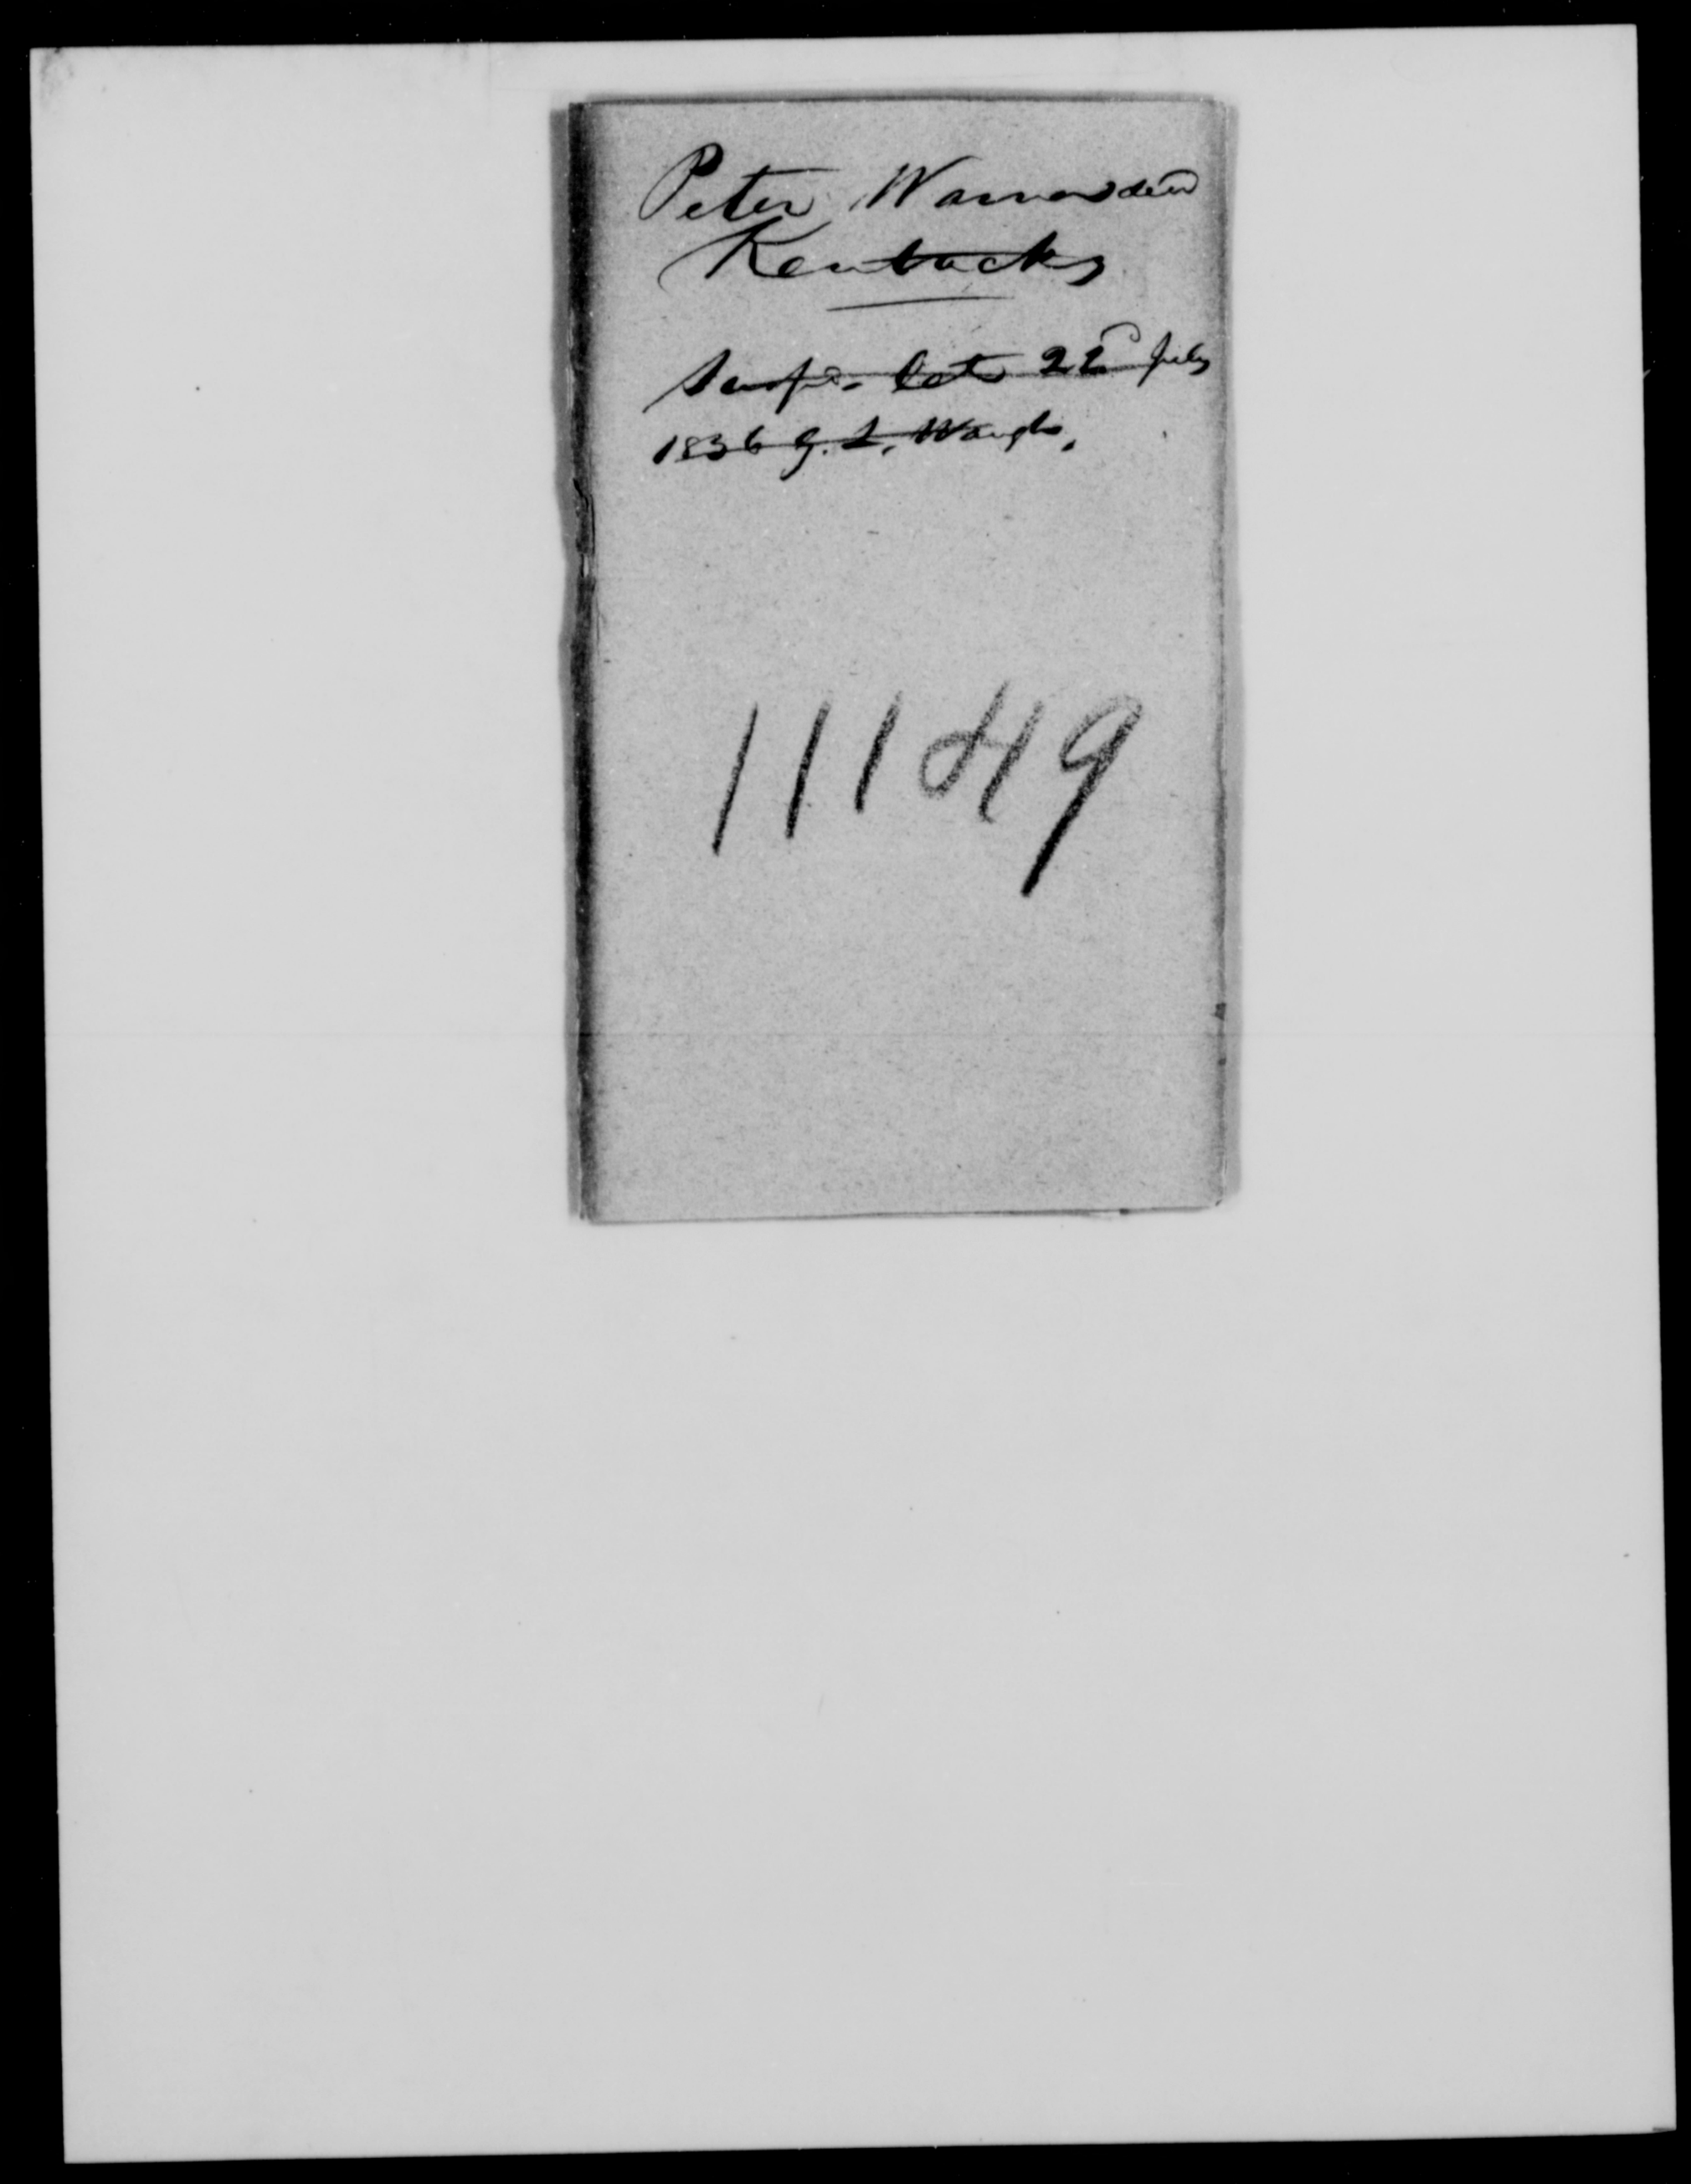Peter Worner den
Kentucky

[crossed out: Sept lat 22d July
1836 Z.L. Waugh,]

11149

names: Peter Warner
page: 10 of 14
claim: rejected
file: R 11149, Peter Worner, Md.